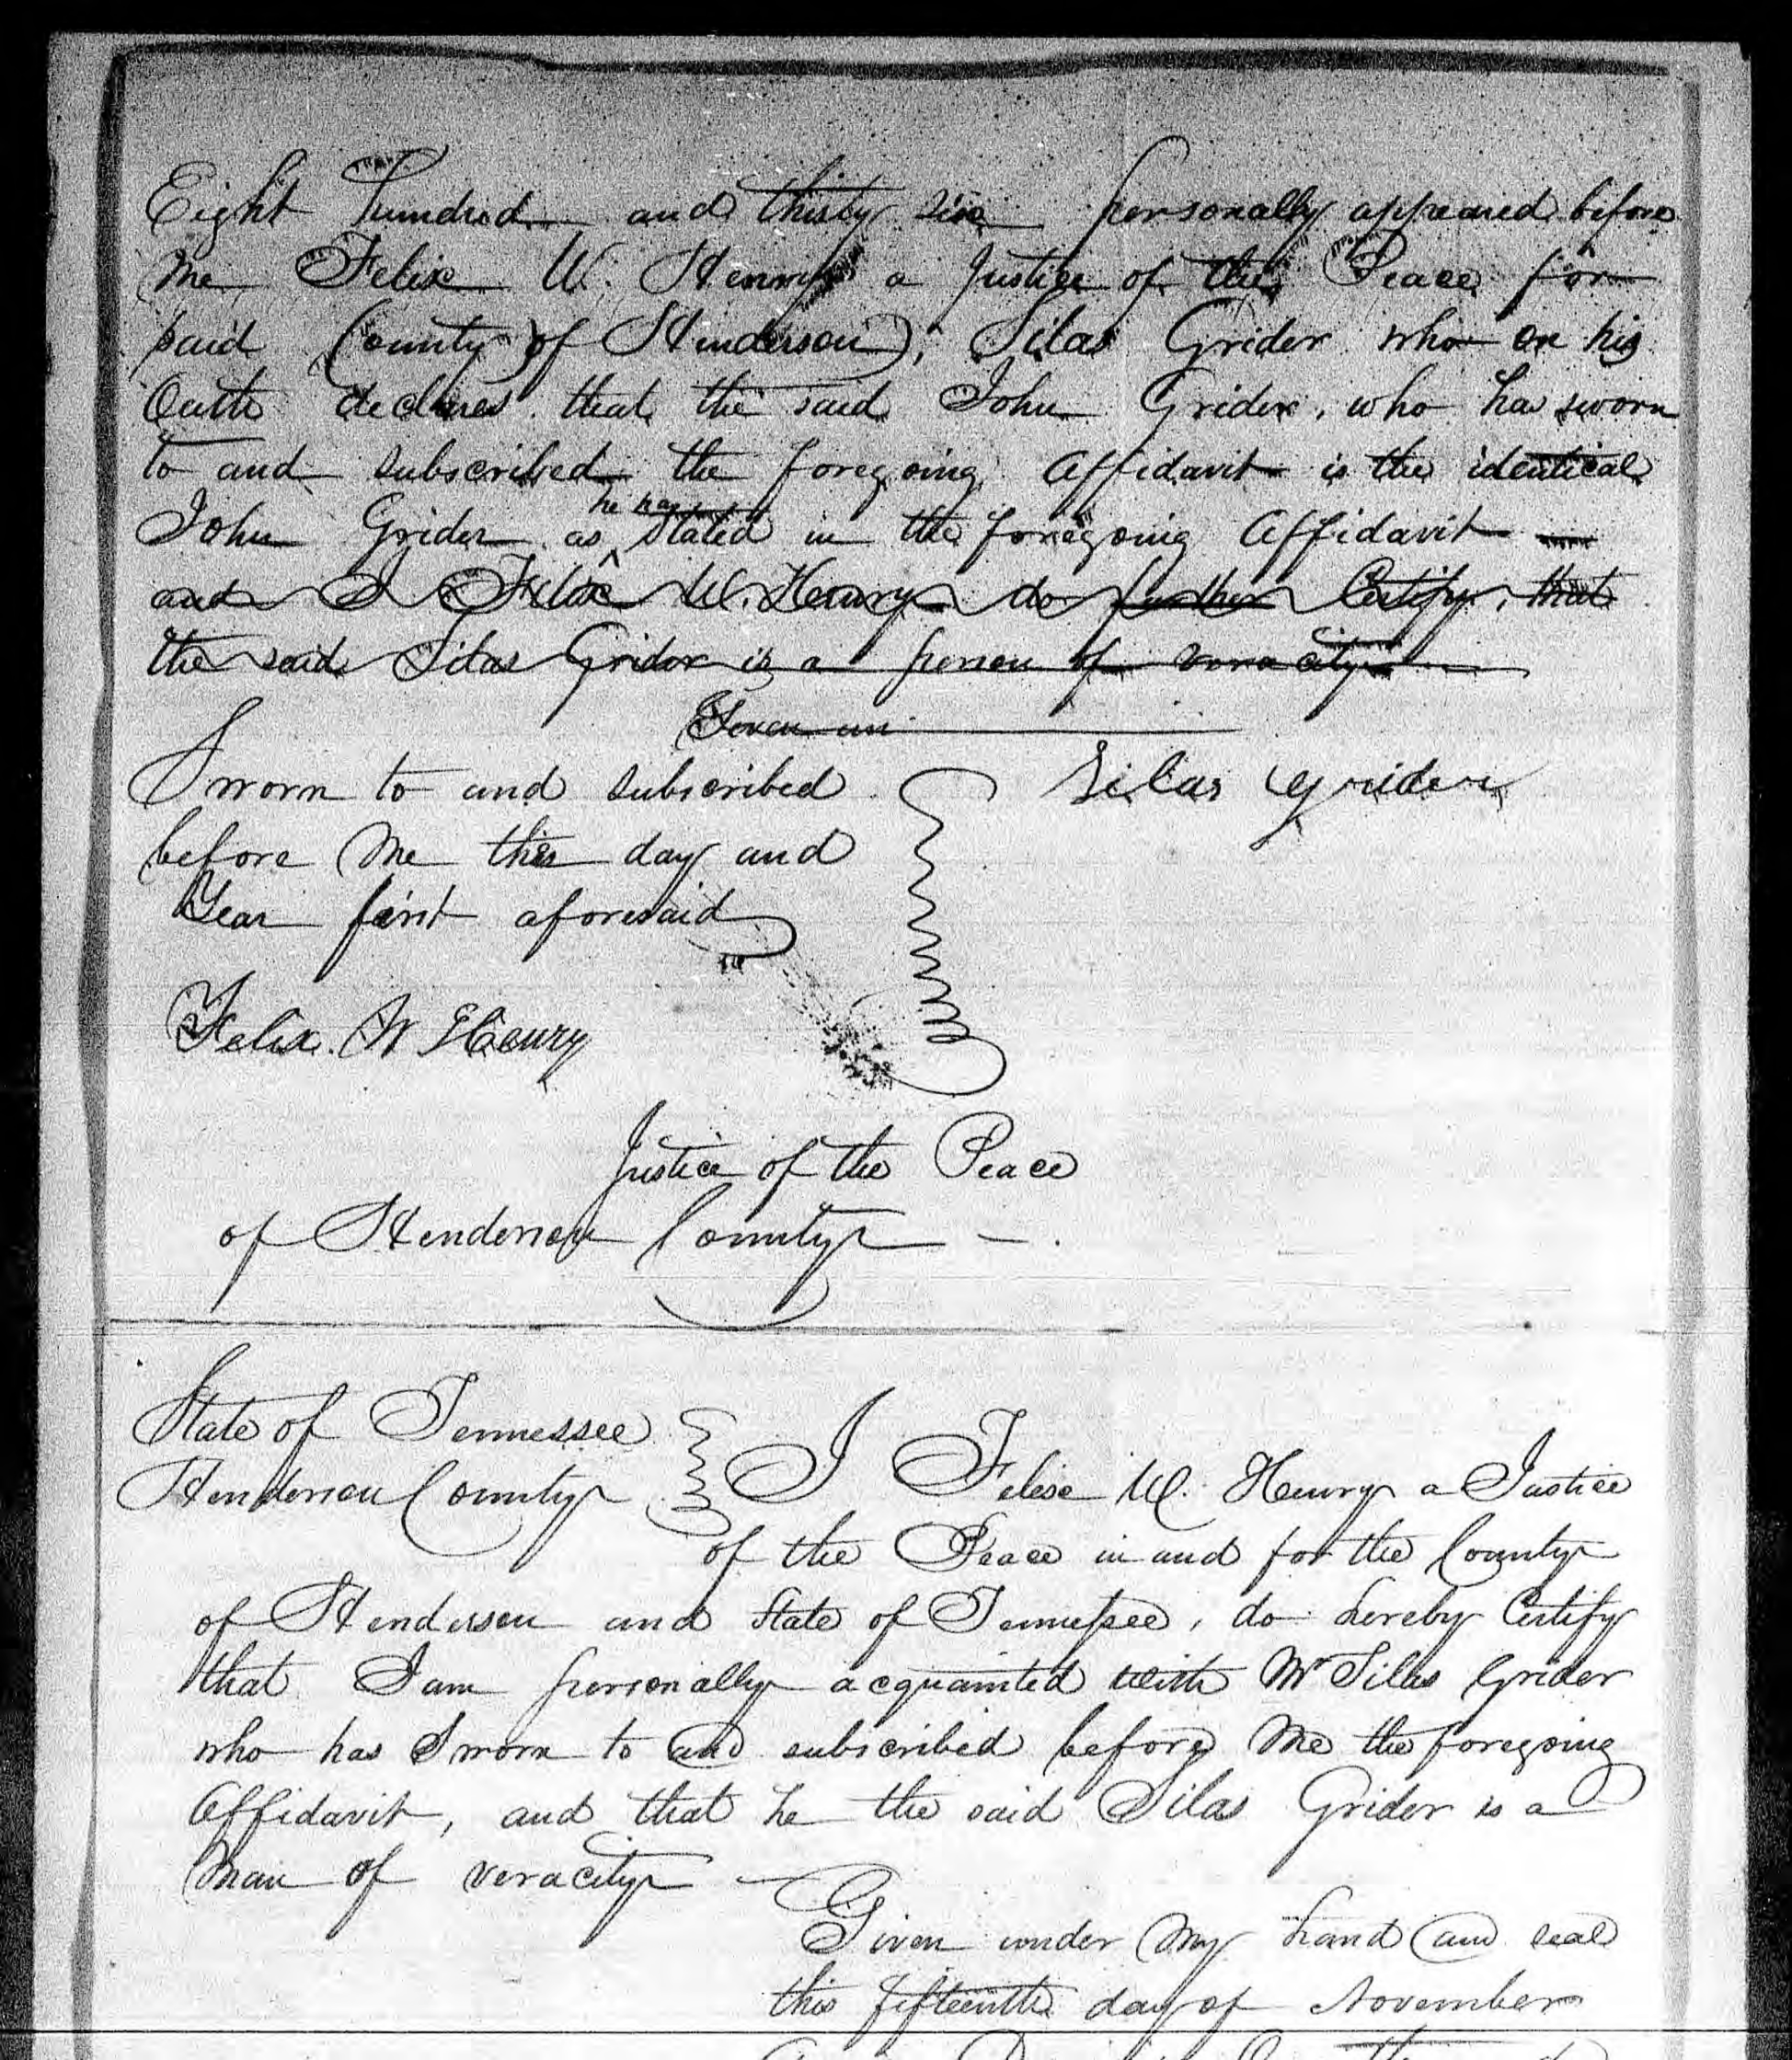eight hundred and thirty six personally appeared before me Felix W. Henry a Justice of the Peace from said county of Henderson; Silas Grider who on his oath declares that the said John Grider, who has sworn to and subscribed the foregoing affidavit  in this identical John Grider as he has sated in the foregoing affidavit  [crossed out-  and I Felix W. Henry do further certify, that the said Silas Grider is a person of veracity]  [signed] Silas Grider

Sworn to and subscribed before me this day and year first aforesaid. [signed] Felix W. Henry Justice of the Peace of Henderson County

State of Tennessee 
Henderson County  }  I Felix W. Henry a Justice of the Peace in and for the County of Henderson and State of Tennessee, do hereby certify that I am personally acquainted with Mr. Silas Grider who has sworn to and subscribed before me the foregoing affidavit, and that he the said Silas Grider is a man of veracity. 
Given under my hand and seal this fifteenth day of November [bottom line not copied]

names: Felix W Henry, Silas Grider, Felix W Henry, Silas Grider, John Grider, Silas Grider, Silas Grider, John Grider, Felix W Henry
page: 36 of 91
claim: widow's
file: W 358, John Grider, N.C.